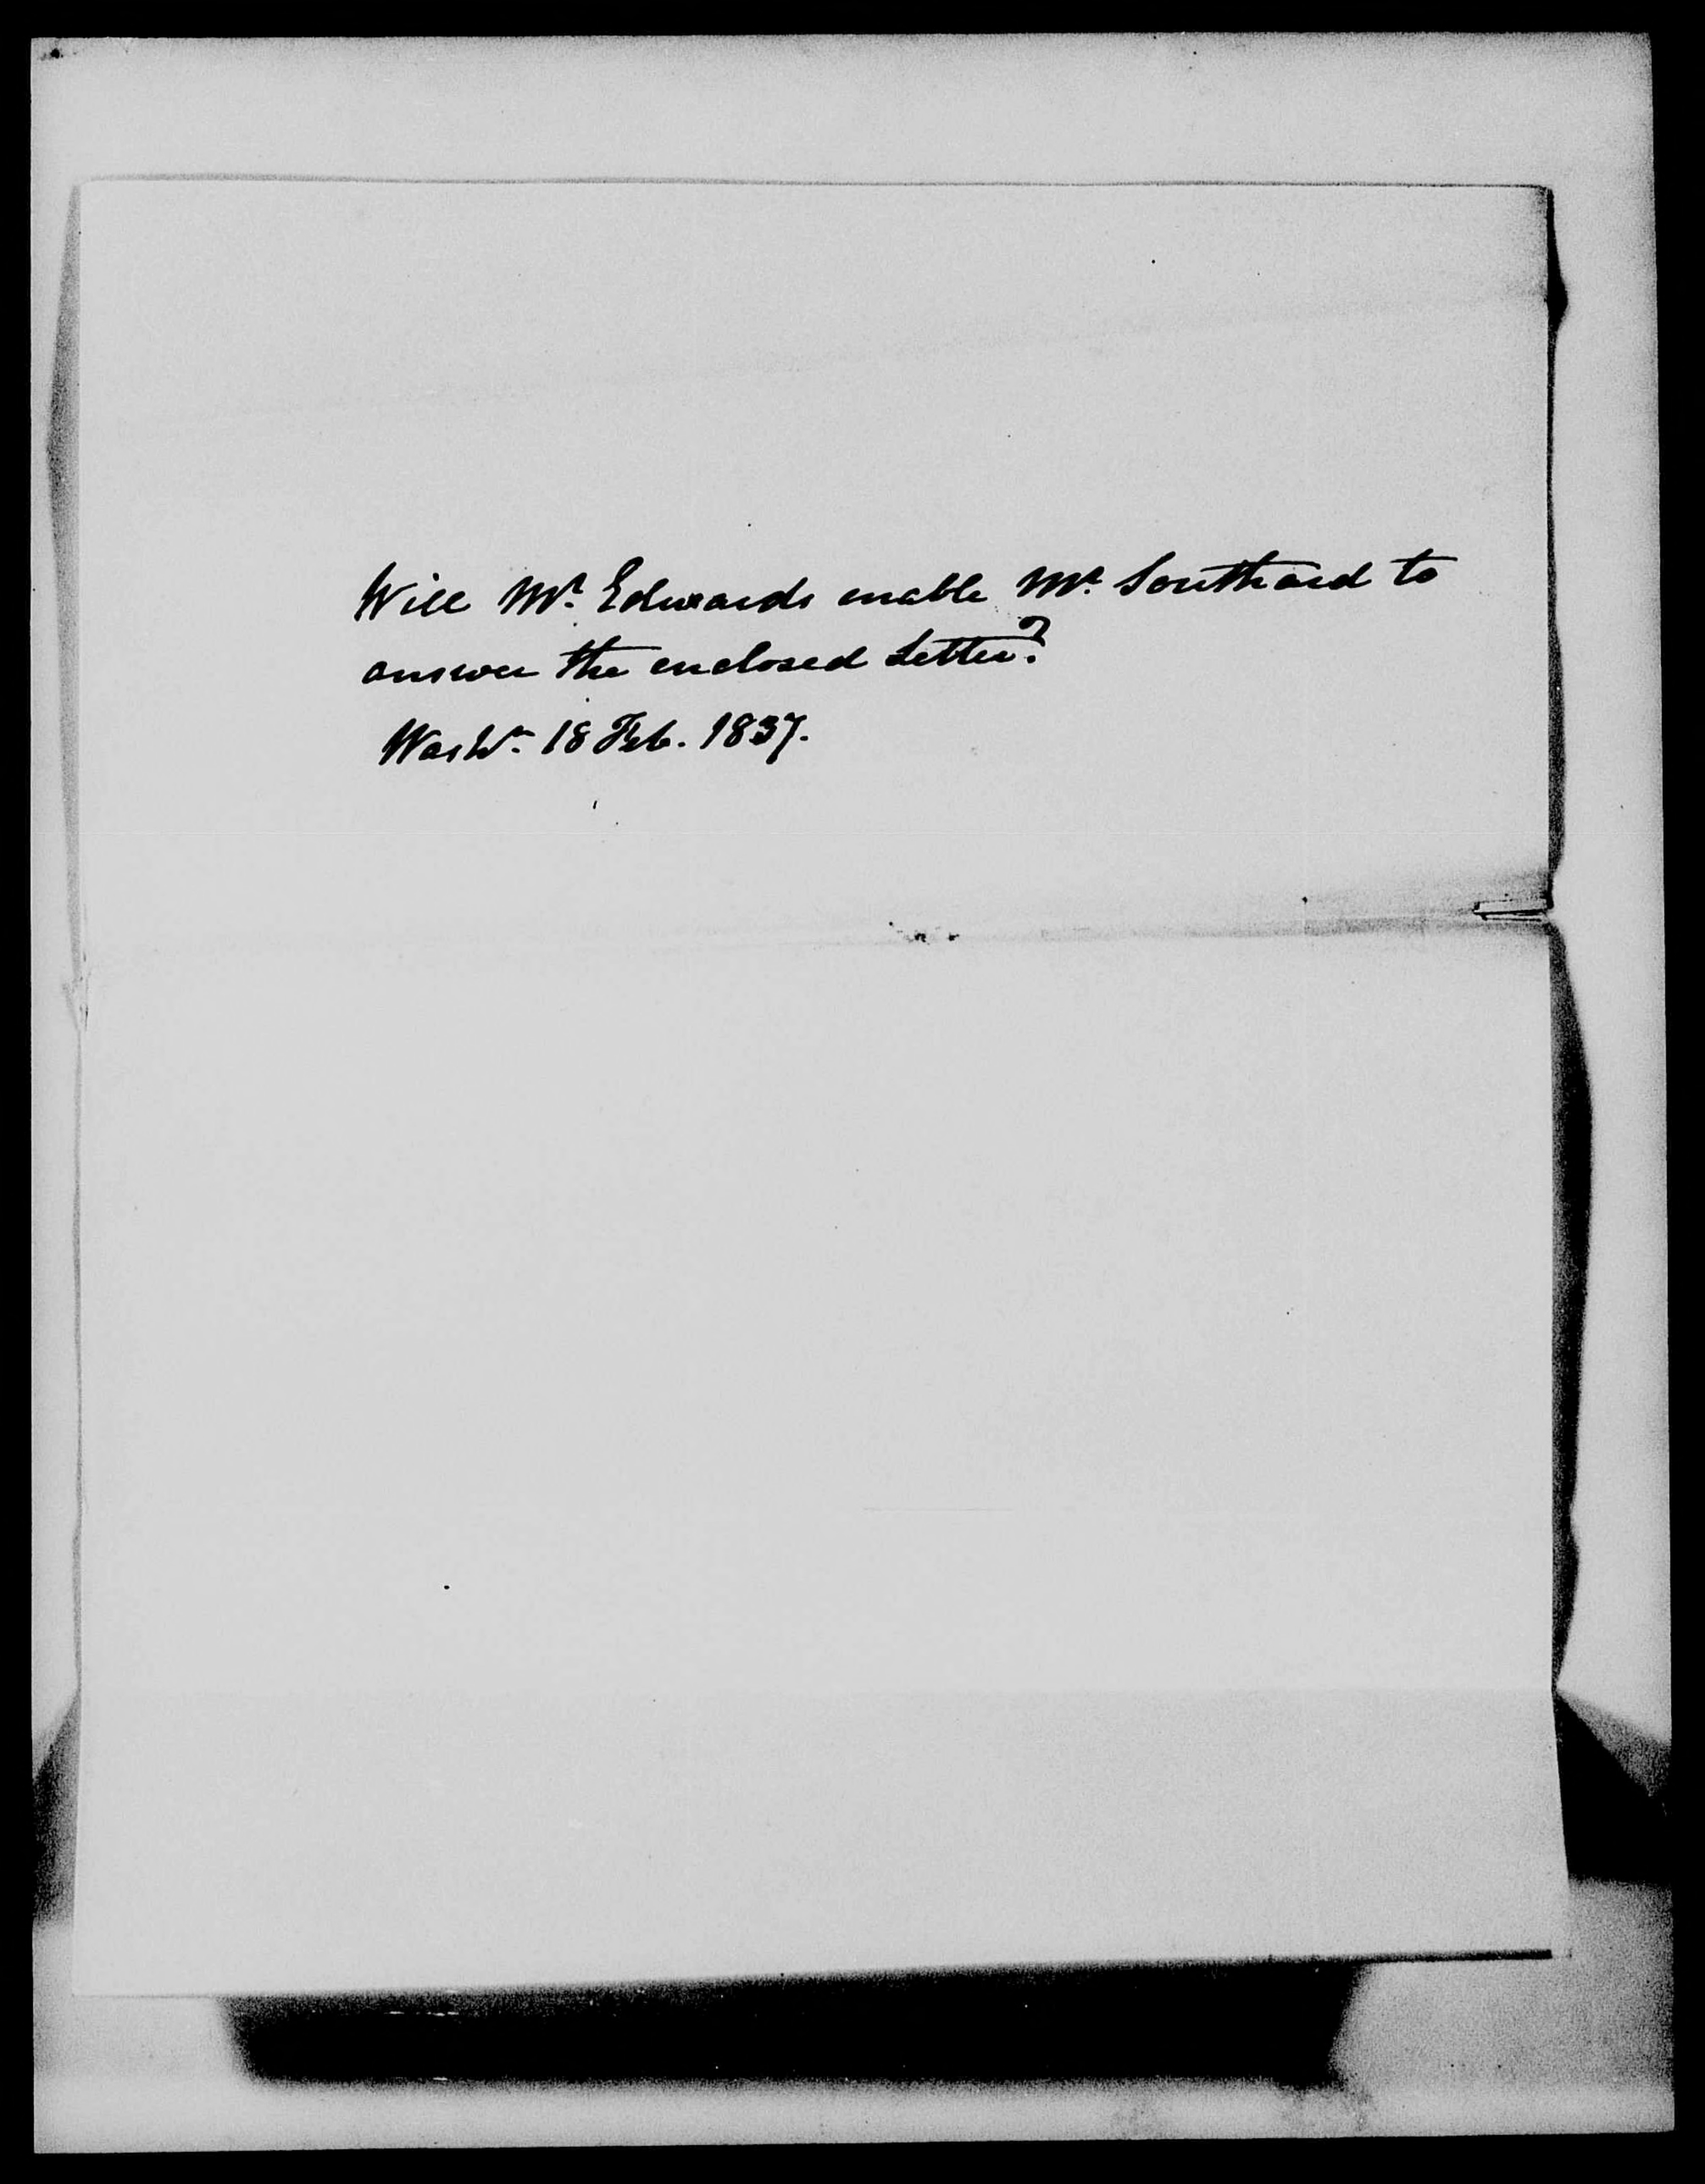Will Mr. Edwards enable Mr. Southard to
answer the enclosed letter?
Washn. 18 Feb. 1837.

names: [BLANK] Edwards; [BLANK] Southard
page: 32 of 39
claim: rejected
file: R. 6154, for James Laning, New Jersey